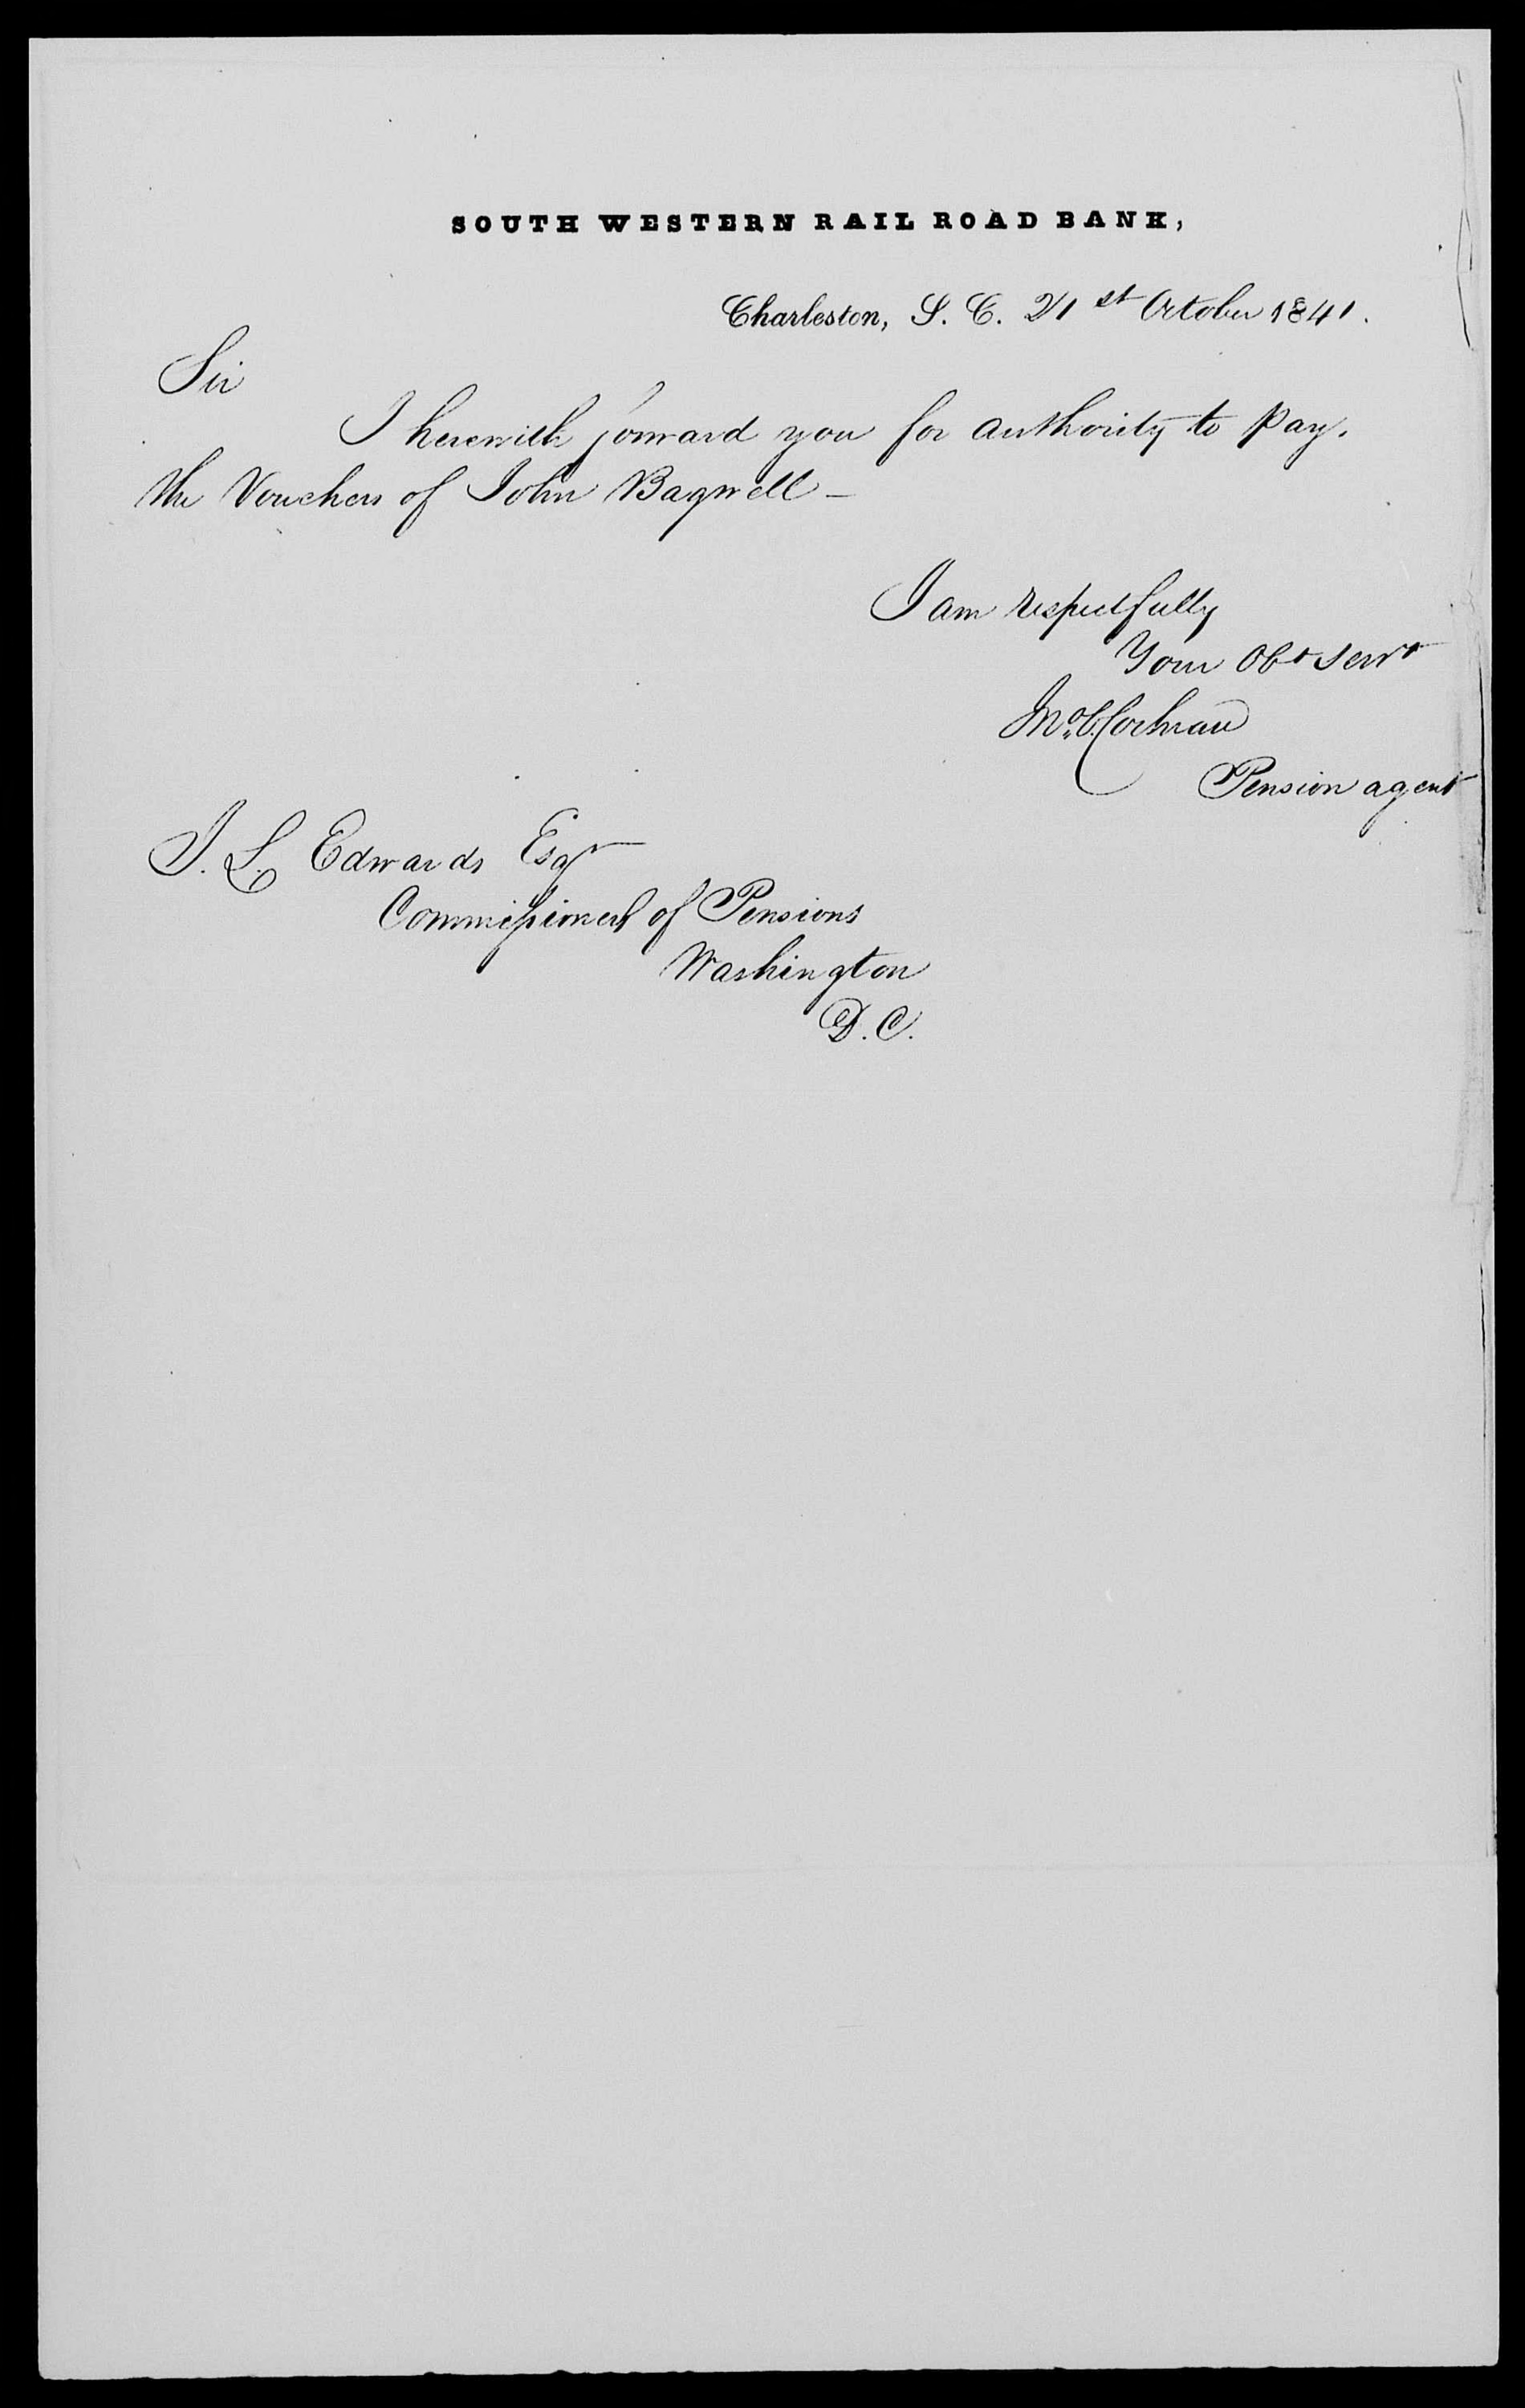SOUTH WESTERN RAILROAD BANK,

Charleston, S.C. 21st October 1841
Sir
I herewith forward you for authority to
the vouchers of John Bagwell
I am respectfully
your [ obt servant ]
Jno B Cochran
Pension agent
J. L.
Edwards Esqr

Commissioner of Pensions
Washington
D.C.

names: John Bagwell, Jno B Cochran, J L Edwards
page: 31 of 36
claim: survivor's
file: S 6571, John Bagwell, N.C.